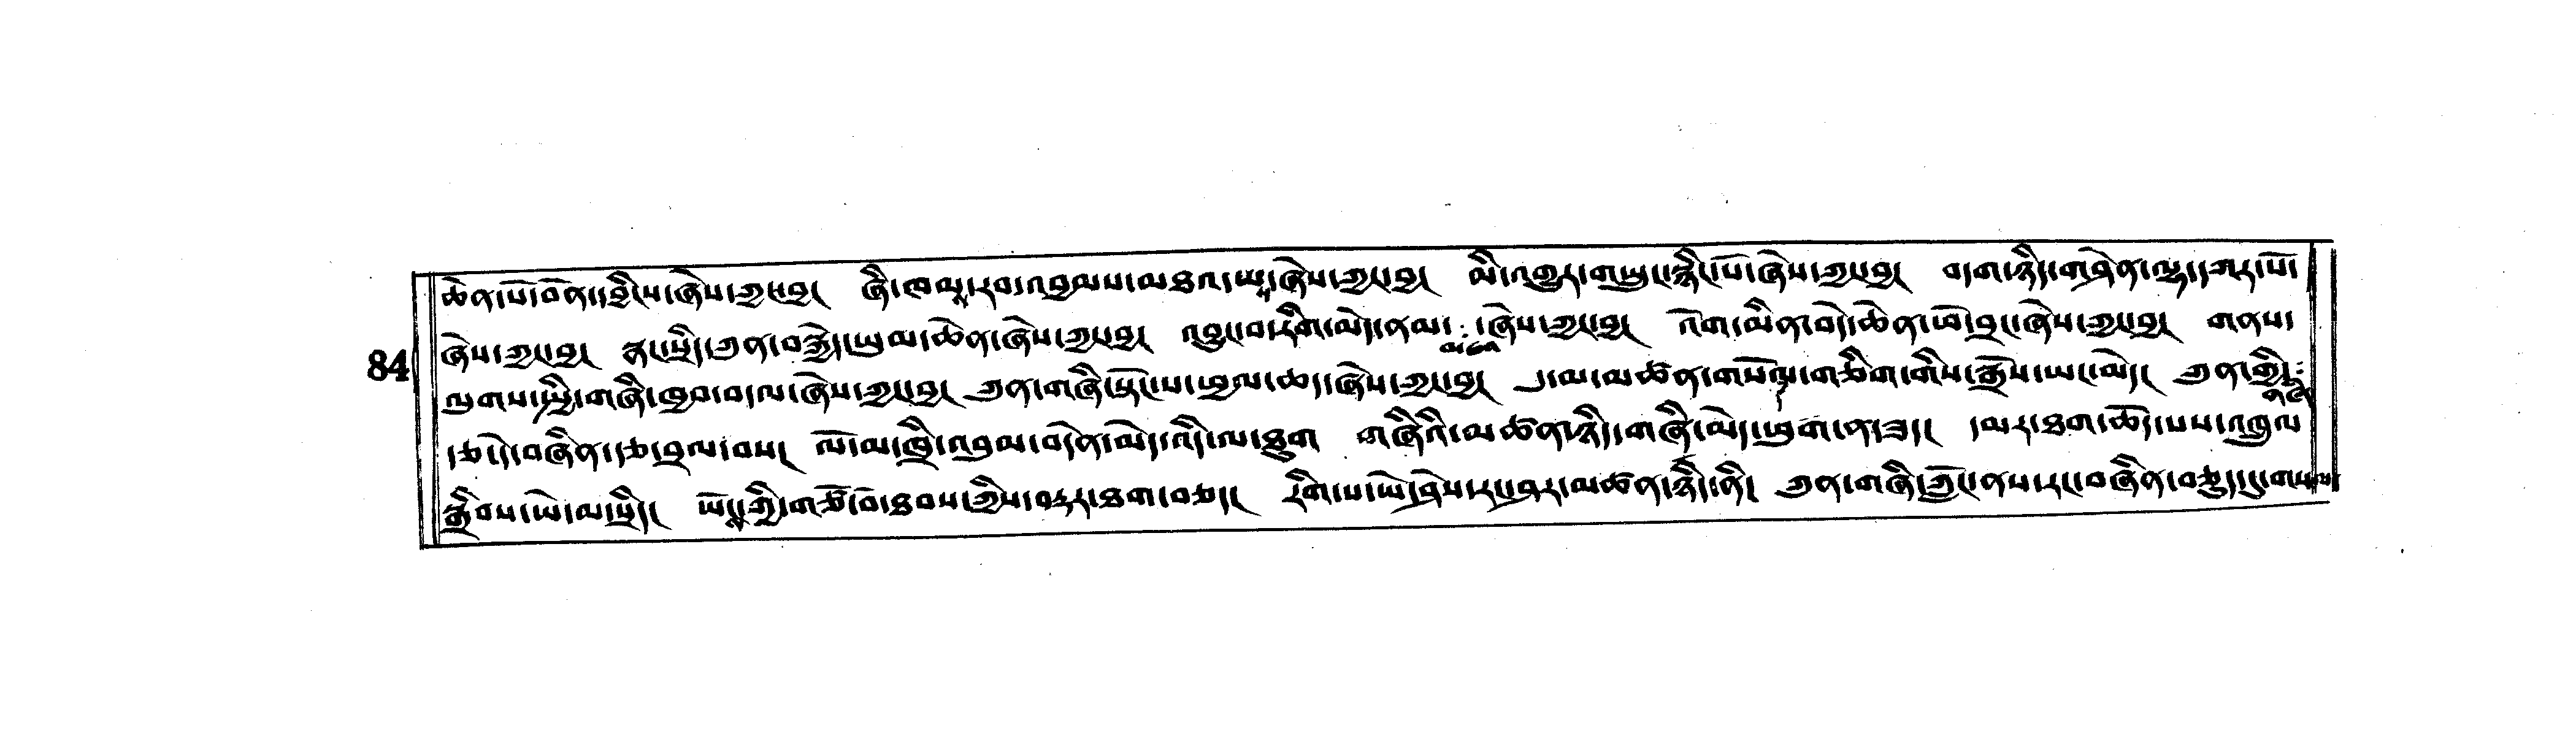ཆེན་པོ་བོན་དབྱིངས་ཞེས་ཀྱང་བྱ། ཞིང་ཁམས་རབ་འབྱམས་མཐའ་ཡས་ཞེས་ཀྱང་བྱ། མི་འགྱུར་གཡུང་དྲུང་སྙིང་པོ་ཞེས་ཀྱང་བྱ། བདག་ཉིད་གཤེན་ལྷ་དཀར་པོ་
ཞེས་ཀྱང་བྱ། གནས་ལུགས་སྤྱི་གཞི་ཁྱབ་བདལ། ཞེས་ཀྱང་བྱ། ཀུན་གཞི་སྟོང་པ་ཕྱལ་ཆད་ཞེས་ཀྱང་བྱ། གནས་
ལུགས་སྤྱི་གཞིག་ཁྱབ་ཞེས་ཀྱང་བྱ། ཀུན་གཞི་སྟོང་པ་ཕྱག་ཆད་ཞེས་ཀྱང་བྱ། དུ་མ་མཚན་གསོལ་གཅིག་གིས་སྒྲོས་ཡང་མེད། ཀུན་གྱི་གཞི་
རྩ་དེ་བཞིན་རྩ་བྲལ་བས། ལོ་མ་ཁྲི་འབུམ་བདེན་མེད་འདི་ལ་ཐུག གཞིའི་མཚན་ཉིད་གཞི་མེད་ཕུག་ན་ཟད། དམར་ཐག་ཆོད་པས་འཁྲུལ་
སྒྲིབ་ཡེ་མ་སྲིད། ཡོངས་ཀྱི་གཙོ་བོ་ཐབས་ཀྱི་བརྡར་ཐག་བཅད། རིག་པ་ཡེ་ཤེས་རང་ཤར་མཚན་ཉིད་ནི། ཀུན་གཞི་ཀློང་ནས་རང་བཞིན་བཅུད་དུ་གསལ།